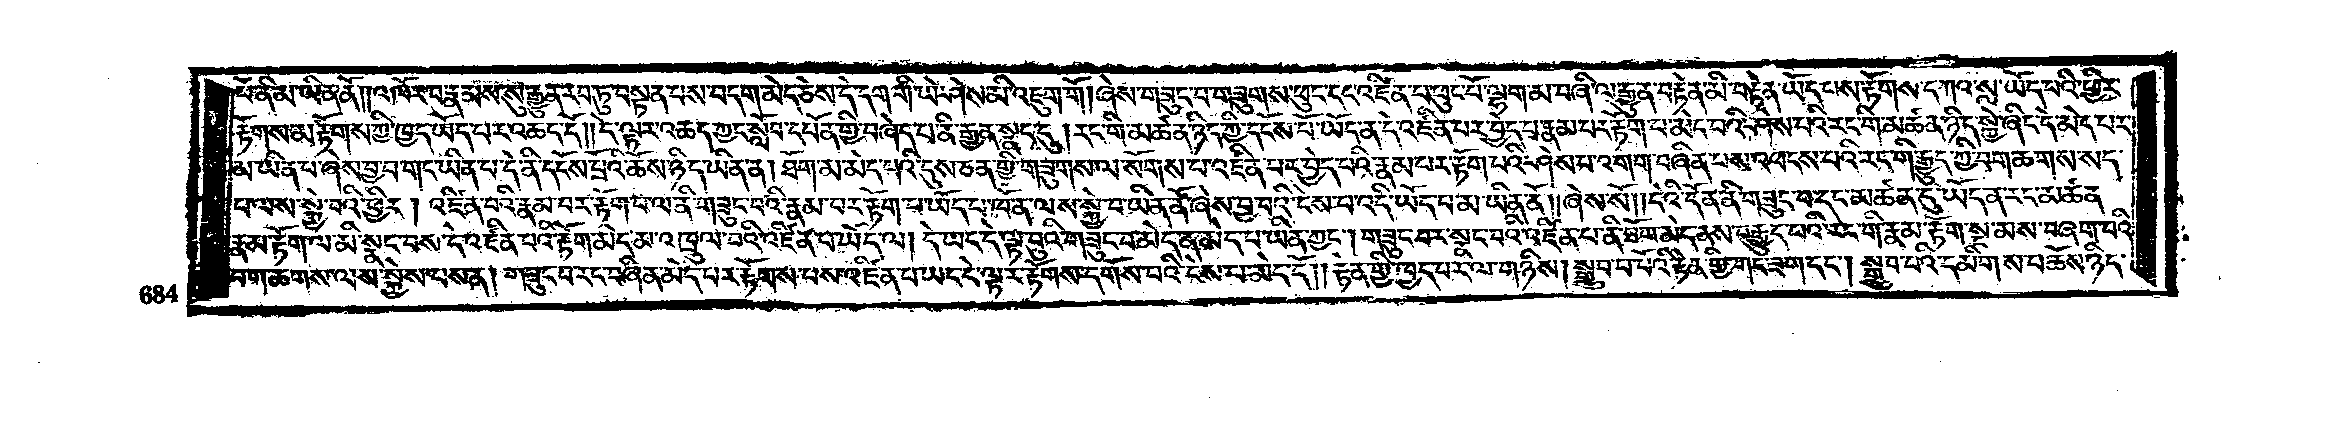པོ་ནི་མ་ཡིན་ནོ། །འཁོར་བ་རྣམས་སུ་རྒྱུན་རབ་ཏུ་བསྟན་པས་བདག་མེད་ཅེས་དེ་དག་གི་ཡེ་ཤེས་མི་འཇུག་གོ །ཞེས་གཟུང་བ་གཟུགས་ཕུང་དང་འཛིན་པ་ཕུང་པོ་ལྷག་མ་བཞི་ལ་རྒྱན་བརྟེན་མི་བརྟེན་ཡོད་པས་རྟོགས་དཀའ་སླ་ཡོད་པའི་ཕྱིར་
རྟོགས་མ་རྟོགས་ཀྱི་ཁྱད་ཡོད་པར་འཆད་དོ། །དེ་ལྟར་འཆད་ཀྱང་སློབ་དཔོན་གྱི་བཞེད་པ་ནི་རྒྱན་སྣང་དུ། རང་གི་མཚན་ཉིད་ཀྱི་དངོས་པོ་ཡོད་ན་དེ་འཛིན་པར་བྱེད་པ་རྣམ་པར་རྟོག་པ་མེད་པའི་ཤེས་པའི་རང་གི་མཚན་ཉིད་སྐྱེ་ཞིང་དེ་མེད་པར་
མ་ཡིན་པ་ཞེས་བྱ་བ་གང་ཡིན་པ་དེ་ནི་དངོས་པོའི་ཆོས་ཉིད་ཡིན་ན། ཐོག་མ་མེད་པའི་དུས་ཅན་གྱི་གཟུགས་ལ་སོགས་པ་འཛིན་པར་བྱེད་པའི་རྣམ་པར་རྟོག་པའི་ཤེས་པ་འགག་བཞིན་པས་འཕངས་པའི་རང་གི་རྒྱུད་ཀྱི་བག་ཆགས་སད་
པ་ལས་སྐྱེ་བའི་ཕྱིར། འཛིན་པའི་རྣམ་པར་རྟོག་པ་ལ་ནི་གཟུང་བའི་རྣམ་པར་རྟོག་པ་ཡོད་པ་ཁོ་ན་ལས་སྐྱེ་བ་ཡིན་ནོ་ཞེས་བྱ་བའི་ངེས་པ་འདི་ཡོད་པ་མ་ཡིན་ནོ། །ཞེས་སོ། །དེའི་དོན་ནི་གཟུང་བ་རང་མཚན་དུ་ཡོད་ན་རང་མཚན་
རྣམ་རྟོག་ལ་མི་སྣང་བས་དེ་འཛིན་པའི་རྟོག་མེད་མ་འཁྲུལ་བའི་འཛིན་པ་ཡོད་ལ། དེ་ཡང་དེ་ལྟ་བུའི་གཟུང་བ་མེད་ན་མེད་པ་ཡིན་ཀྱང་། གཟུང་བར་སྣང་བའི་འཛིན་པ་ནི་ཐོག་མེད་ནས་བརྒྱུད་པའི་རང་གི་རྣམ་རྟོག་སྔ་མས་བཞག་པའི་
བག་ཆགས་ལས་སྐྱེས་པས་ན། གཟུང་བ་རང་བཞིན་མེད་པར་རྟོགས་པས་འཛིན་པ་ཡང་དེ་ལྟར་རྟོགས་དགོས་པའི་ངེས་པ་མེད་དོ། །རྟེན་གྱི་ཁྱད་པར་ལ་གཉིས། སྒྲུབ་པ་པོའི་རྟེན་གྱི་གང་ཟག་དང་། སྒྲུབ་པའི་དམིགས་པ་ཆོས་ཉིད་